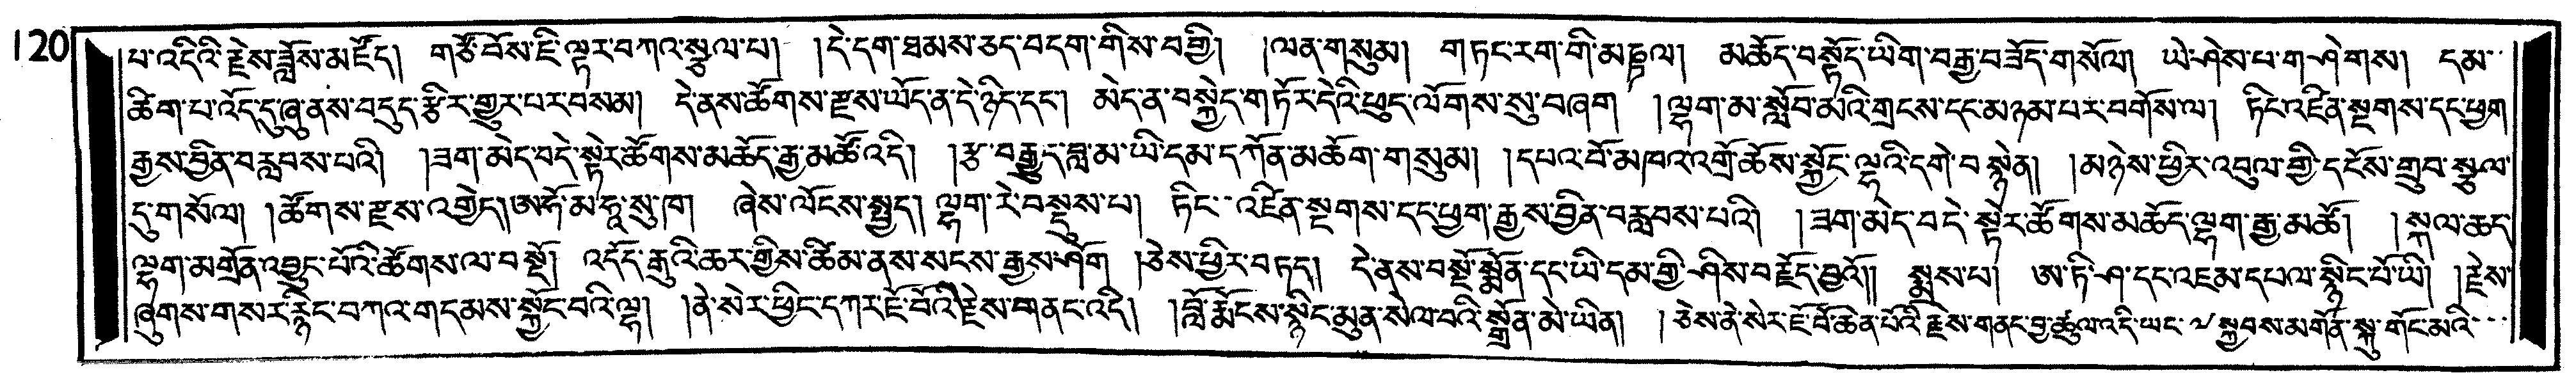པ་འདིའི་རྗེས་ཟློས་མཛོད། གཙོ་བོས་ཇི་ལྟར་བཀའ་སྩལ་པ། །དེ་དག་ཐམས་ཅད་བདག་གིས་བགྱི། །ལན་གསུམ། གཏང་རག་གི་མཎྜལ། མཆོད་བསྟོད་ཡིག་བརྒྱ་བཟོད་གསོལ། ཡེ་ཤེས་པ་གཤེགས། དམ་
ཚིག་པ་འོད་དུ་ཞུ་ནས་བདུད་རྩིར་གྱུར་པར་བསམ། དེ་ནས་ཚོགས་རྫས་ཡོད་ན་དེ་ཉིད་དང་། མེད་ན་བསྐྱེད་གཏོར་དེའི་ཕུད་ལོགས་སུ་བཞག །ལྷག་མ་སློབ་མའི་གྲངས་དང་མཉམ་པར་བགོས་ལ། ཏིང་འཛིན་སྔགས་དང་ཕྱག་
རྒྱས་བྱིན་བརླབས་པའི། །ཟག་མེད་བདེ་སྟེར་ཚོགས་མཆོད་རྒྱ་མཚོ་འདི། །རྩ་བརྒྱུད་བླ་མ་ཡི་དམ་དཀོན་མཆོག་གསུམ། །དཔའ་བོ་མཁའ་འགྲོ་ཆོས་སྐྱོང་ལྷའི་དགེ་བསྙེན། །མཉེས་ཕྱིར་འབུལ་གྱི་དངོས་གྲུབ་སྩལ་
དུ་གསོལ། །ཚོགས་རྫས་འགྱེད། ཨ་ཧོ་མཧཱ་སུ་ཁ། ཞེས་ལོངས་སྤྱད། ལྷག་རེ་བསྡུས་པ། ཏིང་འཛིན་སྔགས་དང་ཕྱག་རྒྱས་བྱིན་བརླབས་པའི། །ཟག་མེད་བདེ་སྟེར་ཚོགས་མཆོད་ལྷག་རྒྱ་མཚོ། །སྐལ་ཆད་
ལྷག་མགྲོན་འབྱུང་པོའི་ཚོགས་ལ་བསྡོ། འདོད་རྒུའི་ཆར་གྱིས་ཚིམ་ནས་སངས་རྒྱས་ཤོག །ཅེས་ཕྱིར་བཏད། དེ་ནས་བསྔོ་སྨོན་དང་ཡི་དམ་གྱི་ཤིས་བརྗོད་བྱའོ།།སྨྲས་པ། ཨ་ཏི་ཤ་དང་འཇམ་དཔལ་སྙིང་པོ་ཡི། །རྗེས་
ཞུགས་གསར་རྙིང་བཀའ་གདམས་སྐྱོང་བའི་ལྷ། །ནེ་སེར་ཕྱིང་དཀར་ཇོ་བོའི་རྗེས་གནང་འདི། །བློ་རྨོངས་སྙིང་མུན་སེལ་བའི་སྒྲོན་མེ་ཡིན། །ཅེས་ནེ་སེར་ཇོ་བོ་ཆེན་པོའི་རྗེས་གནང་བྱ་ཚུལ་འདི་ཡང ༧་སྐྱབས་མགོན་སྐུ་གོང་མའི་